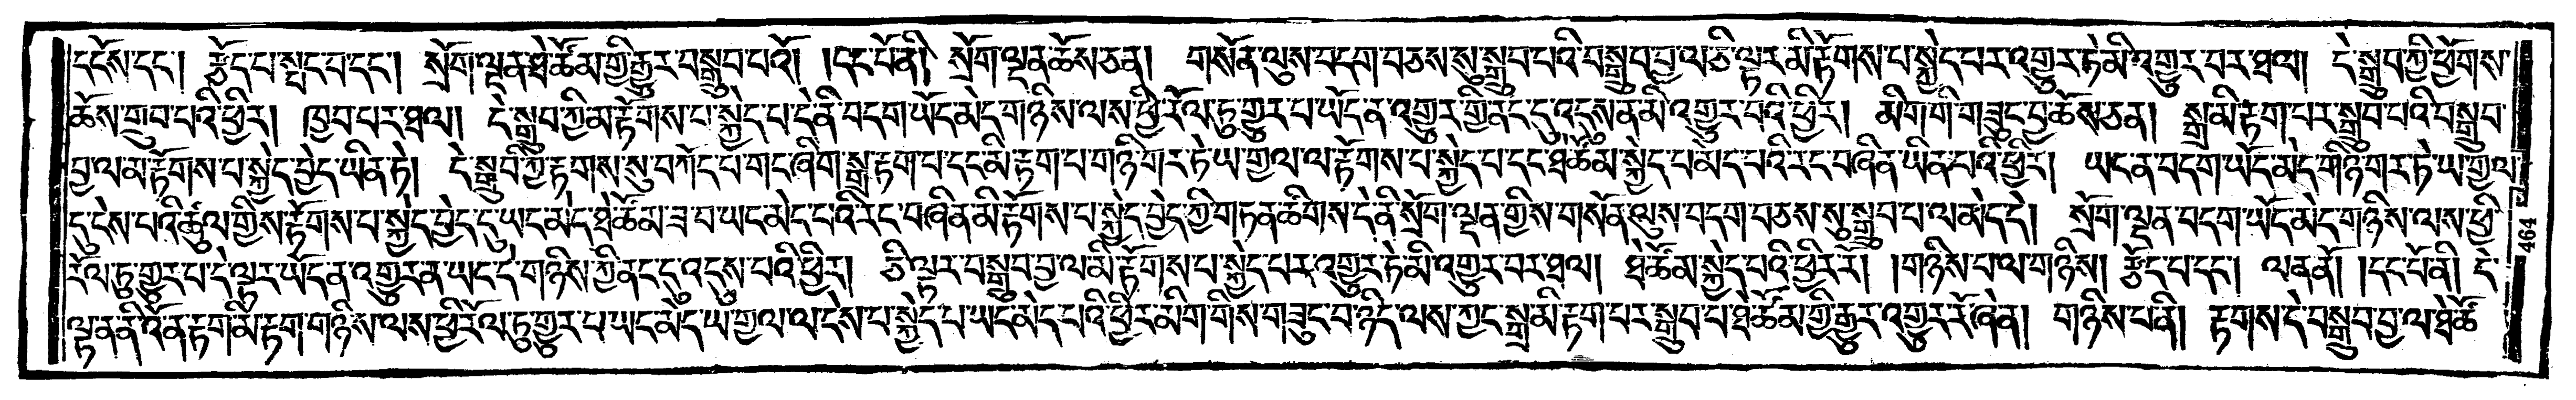དངོས་དང་། རྩོད་པ་སྤང་པ་དང་། སྲོག་ལྡན་ཐེ་ཚོམ་གྱི་རྒྱུར་བསྒྲུབ་པའོ། །དང་པོ་ནི། སྲོག་ལྡན་ཆོས་ཅན། གསོན་ལུས་བདག་བཅས་སུ་སྒྲུབ་པའི་བསྒྲུབ་བྱ་ལ་ཅི་ལྟར་མི་རྟོགས་པ་སྐྱེད་པར་འགྱུར་ཏེ་མི་འགྱུར་པར་ཐལ། དེ་སྒྲུབ་ཀྱི་ཕྱོགས་
ཆོས་གྲུབ་པའི་ཕྱིར། ཁྱབ་པར་ཐལ། དེ་སྒྲུབ་ཀྱི་མ་རྟོགས་པ་སྐྱེད་པ་དེ་ནི་བདག་ཡོད་མེད་གཉིས་ལས་ཕྱི་རོལ་ཏུ་གྱུར་པ་ཡོད་ན་འགྱུར་གྱི་ནང་དུ་འདུས་ན་མི་འགྱུར་པའི་ཕྱིར། མིག་གི་གཟུང་བྱ་ཆོས་ཅན། སྒྲ་མི་རྟག་པར་སྒྲུབ་པའི་བསྒྲུབ་
བྱ་ལ་མ་རྟོགས་པ་སྐྱེད་བྱེད་ཡིན་ཏེ། དེ་སྒྲུབ་ཀྱི་རྟགས་སུ་བཀོད་པ་གང་ཞིག་སྒྲ་རྟག་པ་དང་མི་རྟག་པ་གཉི་གར་ཏེ་ཡ་གྱལ་ལ་རྟོགས་པ་སྐྱེད་པ་དང་ཐེ་ཚོམ་སྐྱེད་པ་མེད་པའི་རང་བཞིན་ཡིན་པའི་ཕྱིར། ཡང་ན་བདག་ཡོད་མེད་གཉི་གར་ཏེ་ཡ་གྱལ་
དུ་ངེས་པའི་ཚུལ་གྱིས་རྟོགས་པ་སྐྱེད་བྱེད་དུ་ཡང་མེད་ཐེ་ཚོམ་ཟ་བ་ཡང་མེད་པའི་རང་བཞིན་མི་རྟོགས་པ་སྐྱེད་བྱེད་ཀྱི་གཏན་ཚིགས་དེ་ནི་སྲོག་ལྡན་གྱིས་གསོན་ལུས་བདག་བཅས་སུ་སྒྲུབ་པ་ལ་མེད་དེ། སྲོག་ལྡན་བདག་ཡོད་མེད་གཉིས་ལས་ཕྱི་
རོལ་ཏུ་གྱུར་པ་དེ་ལྟར་ཡོད་ན་འགྱུར་ན་ཡང་དེ་གཉིས་ཀྱི་ནང་དུ་འདུས་པའི་ཕྱིར། ཅི་ལྟར་བསྒྲུབ་བྱ་ལ་མི་རྟོགས་པ་སྐྱེད་པར་འགྱུར་ཏེ་མི་འགྱུར་པར་ཐལ། ཐེ་ཚོམ་སྐྱེད་པའི་ཕྱིར་རོ། །གཉིས་པ་ལ་གཉིས། རྩོད་པ་དང་། ལན་ནོ། །དང་པོ་ནི། དེ་
ལྟ་ན་ནི་འོ་ན་རྟག་མི་རྟག་གཉིས་ལས་ཕྱི་རོལ་ཏུ་གྱུར་པ་ཡང་མེད་ཡ་གྱལ་ལ་ངེས་པ་སྐྱེད་པ་ཡང་མེད་པའི་ཕྱིར་མིག་གིས་གཟུང་བ་ཉིད་ལས་ཀྱང་སྒྲ་མི་རྟག་པར་སྒྲུབ་པ་ཐེ་ཚོམ་གྱི་རྒྱུར་འགྱུར་རོ་ཞེ་ན། གཉིས་པ་ནི། རྟགས་དེ་བསྒྲུབ་བྱ་ལ་ཐེ་ཚོ་